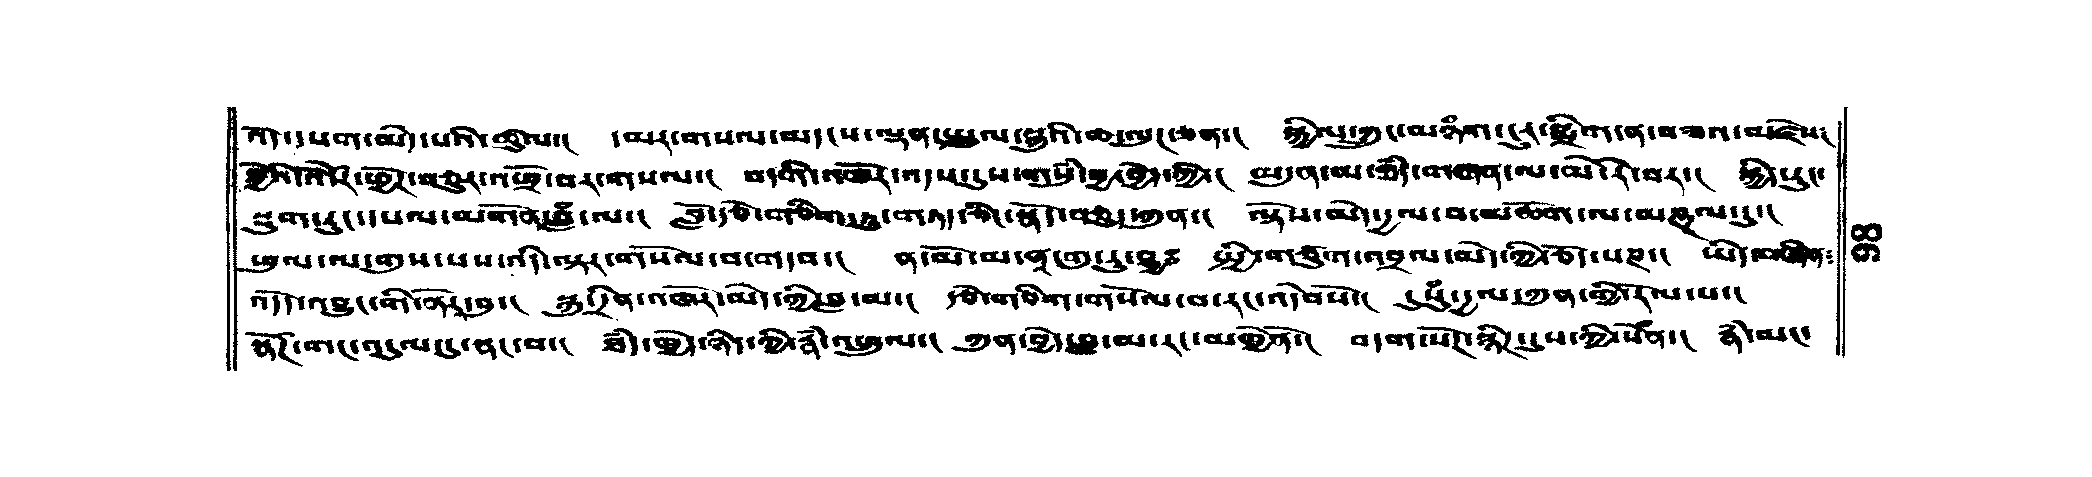འོད་དཔག་མེད་པའི་ཚུལ། །དམར་གསལ་མདངས་ལྡན་སྤྲུལ་སྐུའི་ཆ་ལུགས་ཅན། །སྐྱིལ་ཀྲུང་མཉམ་བཞག་ངུར་སྨྲིག་ན་བཟའ་མཛེས། །
ཐུགས་རྗེའི་འོད་ཟེར་ཕྱོགས་བཅུ་འཕྲོ་བར་གསལ། །བདག་གི་འཁོར་འདས་དུས་གསུམ་བྱ་བྱེད་ཀྱི། །མདུན་མ་ཐམས་ཅད་གཞན་ལ་མི་རེ་བར། །སྐྱིད་རུང་
སྡུག་རུང་དཔལ་མགོན་བླ་མ་ལ། །བློ་རྩེ་གཅིག་ཏུ་གཏད་ཅིང་སྣོད་བཅུད་ཀུན། །ལྟོས་མེད་རྒྱལ་བ་མཆོག་ལ་མཎྜལ་དུ། །
ཕུལ་ལ་གུས་པས་འདི་ལྟར་གསོལ་བ་གདབ། ན་མོ་མ་ཧཱ་གུ་རུ་བྷྱཿ སྤྱི་གཙུག་འབྲལ་མེད་ཀྱི་ཅོད་པཎ། །ཡིད་བཞིན་
འདོད་འབྱུང་གི་ནོར་བུ། །སྐུ་དྲིན་འཁོར་མེད་ཀྱི་བླ་མ། །རྩེ་གཅིག་གསོལ་བ་རང་འདེབས་སོ། །དུས་གསུམ་རྒྱལ་ཀུན་གྱི་རོལ་པ། །
སྣ་ཚོགས་གང་འདུལ་དུ་སྣང་བ། །ཐམས་ཅད་ཁྱེད་ཉིད་ཀྱི་རྣམ་འཕྲུལ། །ཀུན་བྱེད་བླ་མ་རང་མཁྱེན་ནོ། །བདག་སོགས་སྙིགས་དུས་ཀྱི་སེམས་ཅན། །རྣམ་མང་